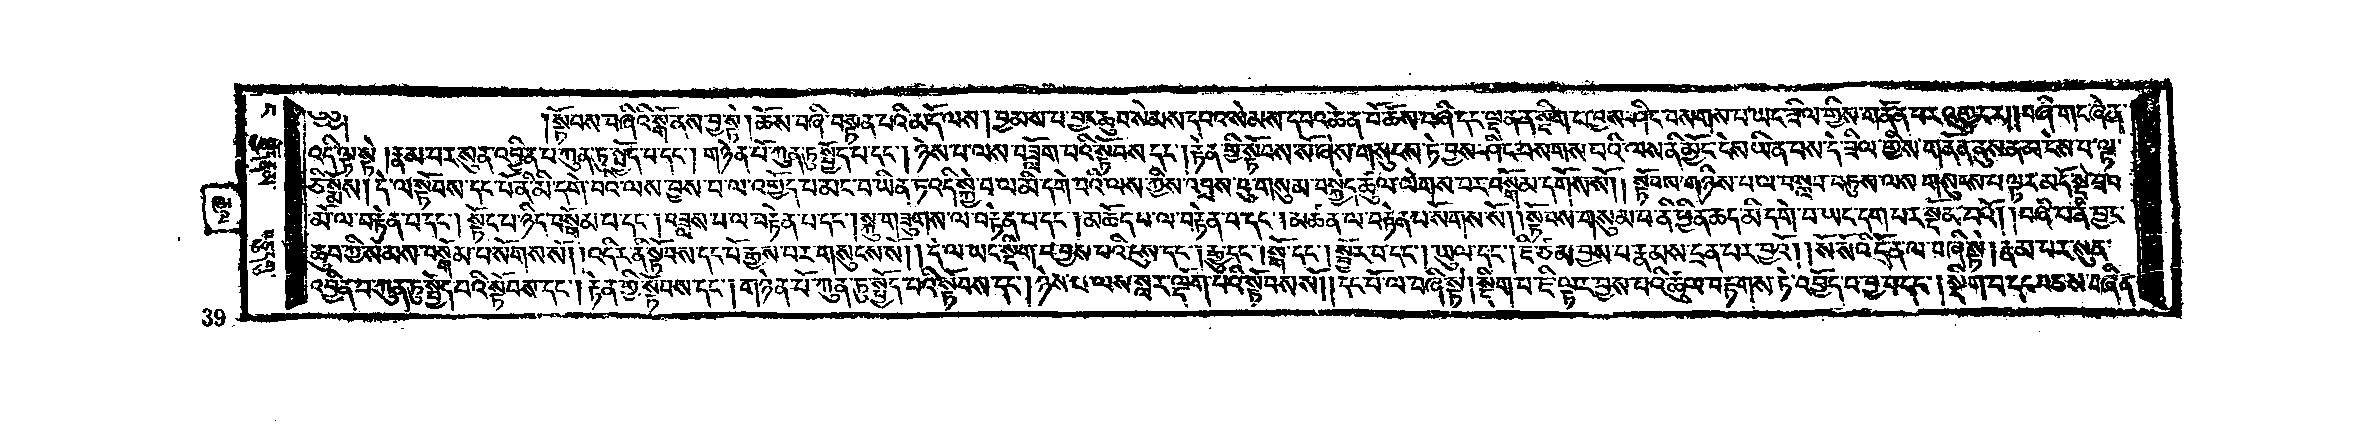༄༅། །སྟོབས་བཞིའི་སྒོ་ནས་བྱ་སྟེ། ཆོས་བཞི་བསྟན་པའི་མདོ་ལས། བྱམས་པ་བྱང་ཆུབ་སེམས་དཔའ་སེམས་དཔའ་ཆེན་པོ་ཆོས་བཞི་དང་ལྡན་ན་སྡིག་པ་བྱས་ཤིང་བསགས་པ་ཡང་ཟིལ་གྱིས་གནོན་པར་འགྱུར་རོ། །ཞི་གང་ཞེ་ན།
འདི་ལྟ་སྟེ། རྣམ་པར་སུམ་འབྱིན་པ་ཀུན་ཏུ་སྤྱོད་པ་དང་། གཉེན་པོ་ཀུན་ཏུ་སྤྱོད་པ་དང་ཉེས་པ་ལས་བཟློག་པའི་སྟོབས་དང་། རྟེན་གྱི་སྟོས་སོ་ཞེས་གསུངས་ཏེ་བྱས་ཤིང་བསགས་པའི་ལས་ནི་མྱོང་ངེས་ཡིན་པས་དེ་ཟིལ་གྱིས་གནོན་ནུས་ནམ་ངེས་པ་ལྟ་
ཅི་སྨོས། དེ་ལ་སྟོབས་དང་པོ་ནི་མི་དགེ་བའི་ལས་བྱས་པ་ལ་འགྱོད་པ་མང་བ་ཡིན་ཏ་འདི་སྐྱེ་བ་ལ་མི་དགེ་བའི་ལས་ཀྱིས་འབྲས་བུ་གསུམ་བསྐྱེད་ཚུལ་ལེགས་པར་བསྒོམ་དགོས་སོ། །སྟོབས་གཉིས་པ་ལ་བསླབ་བཏུས་ལས་གསུངས་པ་ལྟར་མདོ་སྡེ་བྲ་བ་
མོ་ལ་བརྟེན་པ་དང་། སྟོང་པ་ཉིད་བསྒོམ་པ་དང་། བཟླས་པ་ལ་བརྟེན་པ་དང་། སྐུ་གཟུགས་ལ་བརྟེན་པ་དང་། མཆོད་པ་ལ་བརྟེན་པ་དང་། མཚན་ལ་བརྟེན་པ་སོགས་སོ། །སྟོབས་གསུམ་པ་ནི་ཕྱིན་ཆད་མི་དགེ་བ་ཡང་དག་པར་སྡོམ་པའོ། །བཞི་པ་ནི་བྱང་
ཆུབ་ཀྱི་སེམས་བསྒོམ་པ་སོགས་སོ། །འདིར་ནི་སྟོབས་དང་པོ་རྒྱས་པར་གསུངས་སོ། །དེ་ལ་ཡང་སྡིག་པ་བྱས་པའི་དུས་དང་། རྒྱུ་དང་སྒོ་དང་། སྦྱོར་བ་དང་། ཡུལ་དང་ཇི་ཙམ་བྱས་པ་རྣམས་དྲན་པར་བྱའོ། །སོ་སོའི་དོན་ལ་བཞི་སྟེ། རྣམ་པར་སུམ་
འབྱིན་པ་ཀུན་ཏུ་སྤྱོད་པའི་སྟོབས་དང་། རྟེན་གྱི་སྟོབས་དང་། གཉེན་པོ་ཀུན་ཏུ་སྤྱོད་པའི་སྟོབས་དང་། ཉེས་པ་ལས་སླར་ལྡོག་པའི་སྟོབས་སོ། །དང་པོ་ལ་བཞི་སྟེ། སྡིག་པ་ཇི་ལྟར་བྱས་པའི་ཚུལ་བརྟགས་ཏེ་འབྱོད་པ་བྱ་བ་དང་། སྡིག་པ་དང་བཅས་བཞིན་